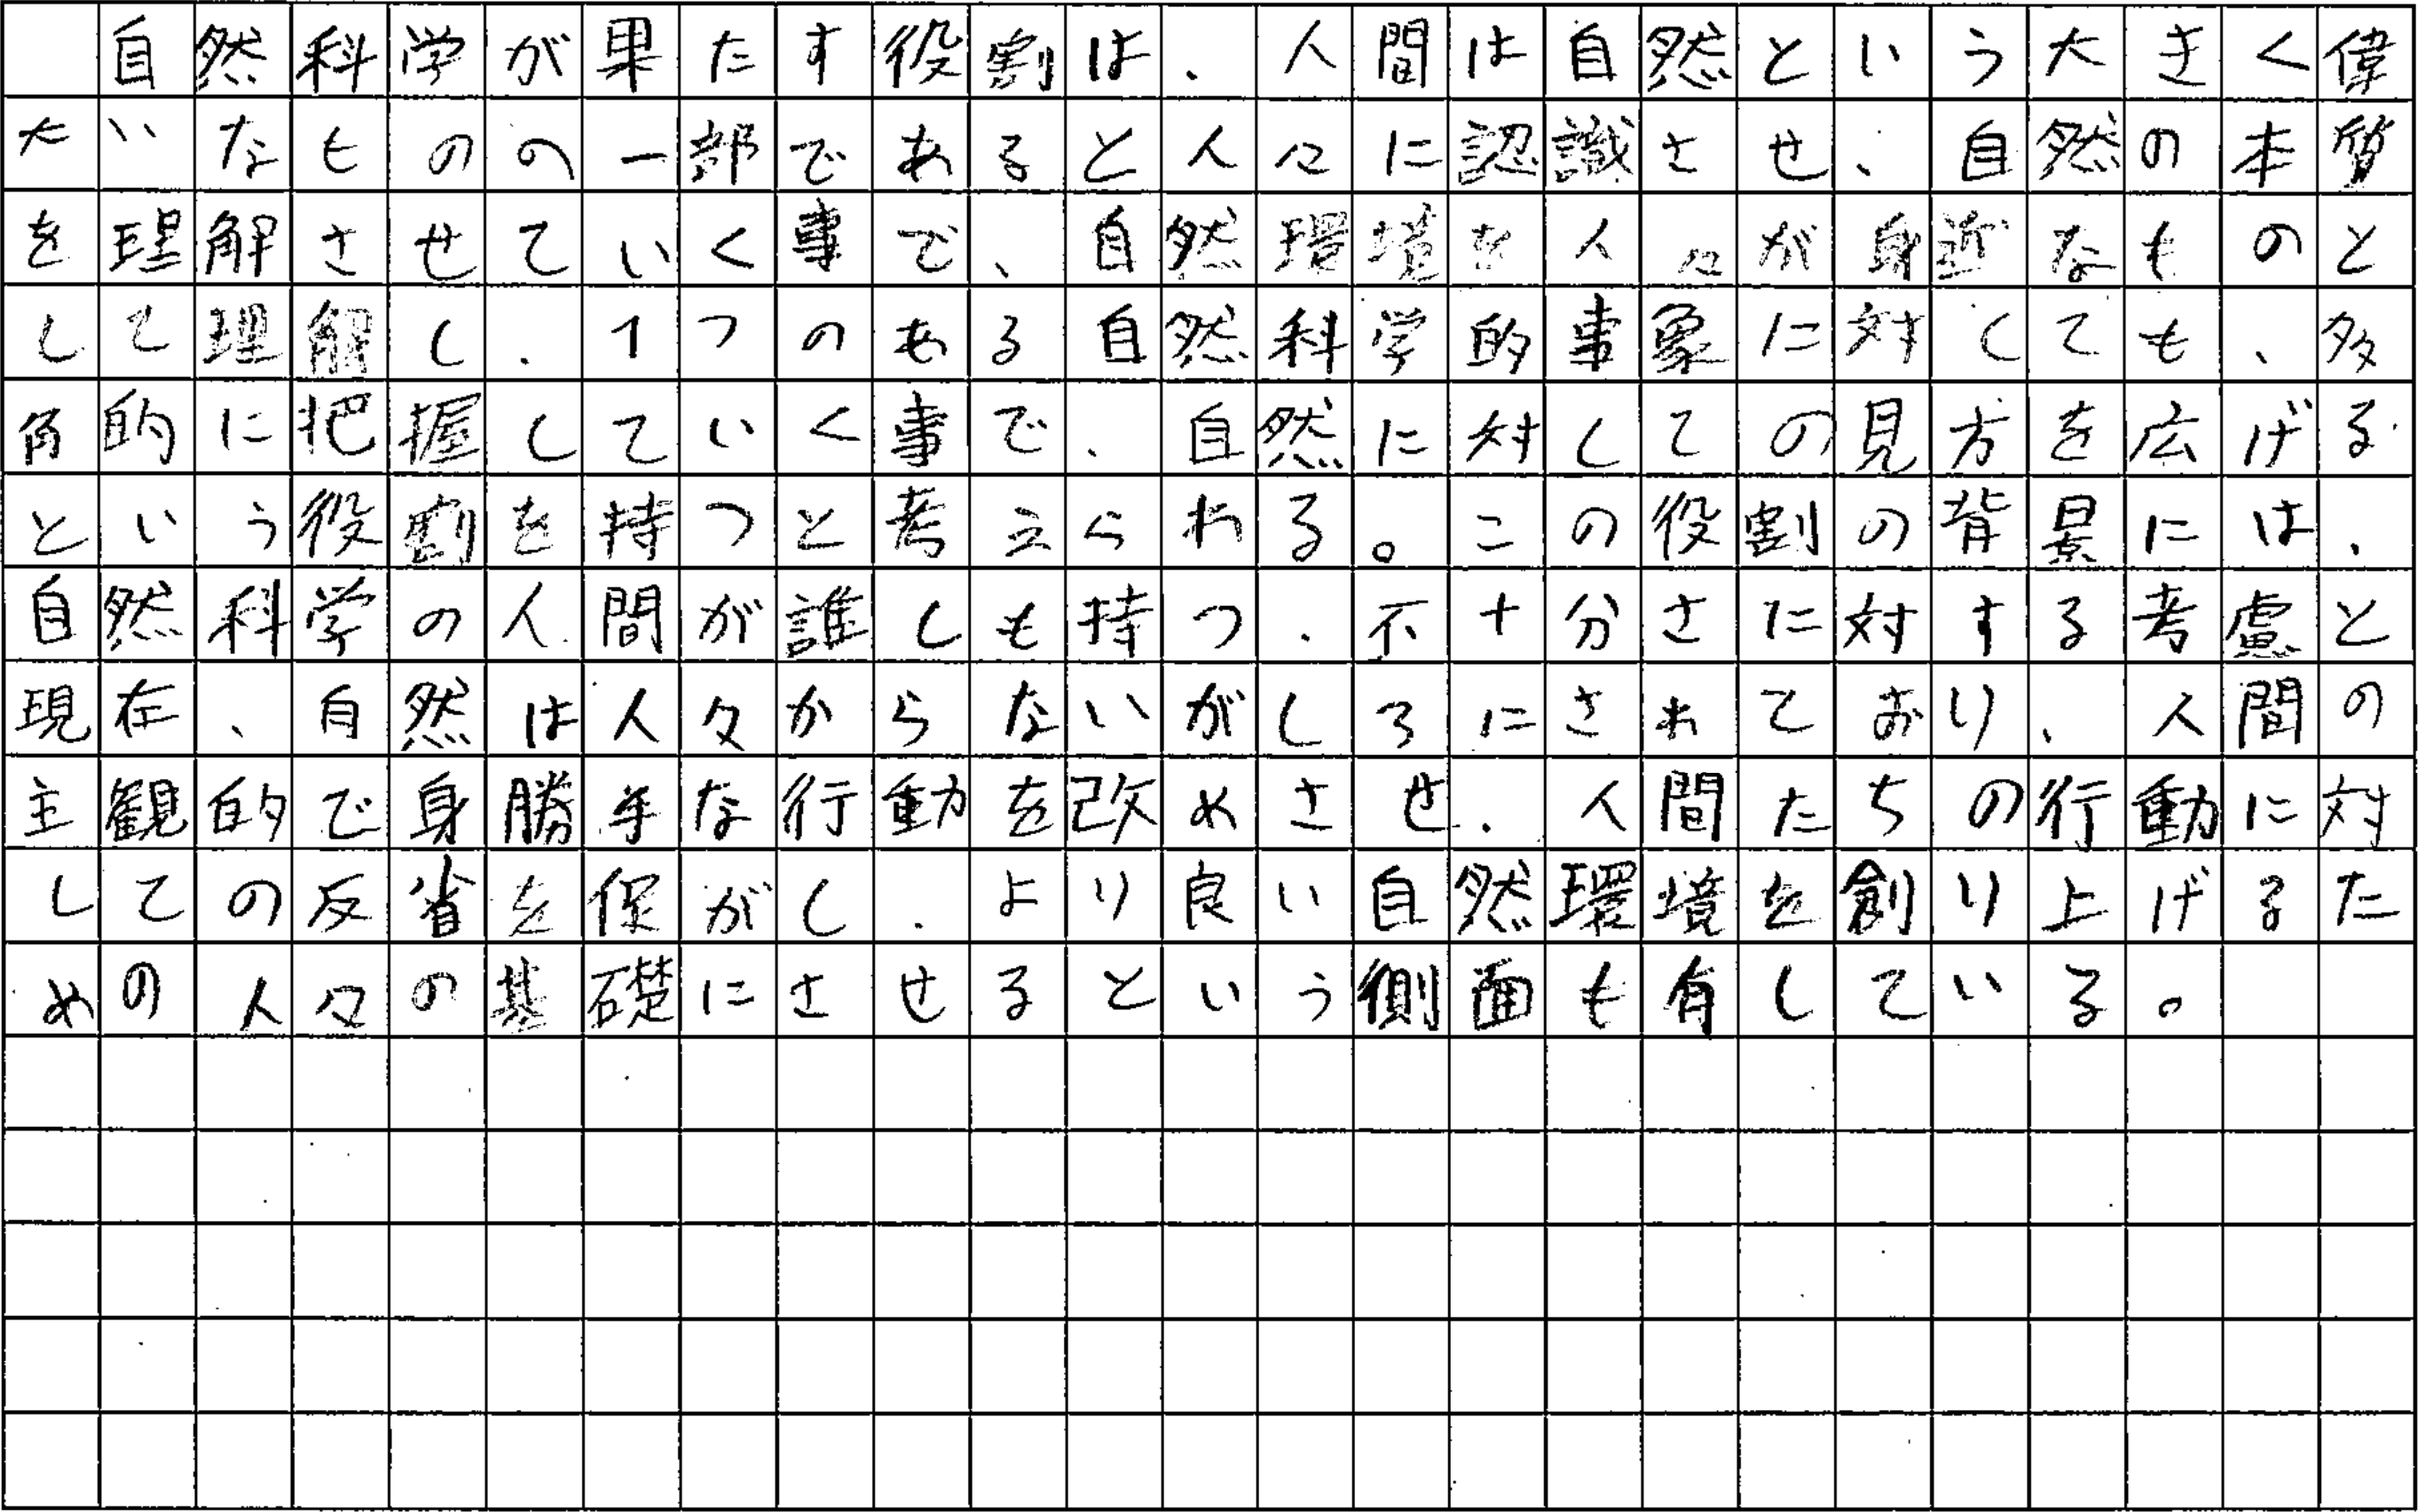　自然科学が果たす役割は、人間は自然という大きく偉大いなものの一部であると人々に認識させ、自然の本質を理解させていく事で、自然環境を人々が身近なものとして理解し、１つのある自然科学的事象に対しても、多角的に把握していく事で、自然に対しての見方を広げるという役割を持つと考えられる。この役割の背景には、自然科学の人間が誰しも持つ、不十分さに対する考慮と現在、自然は人々からないがしろにされており、人間の主観的で身勝手な行動を改めさせ、人間たちの行動に対しての反省を促がし、より良い自然環境を創り上げるための人々の基礎にさせるという側面も有している。
